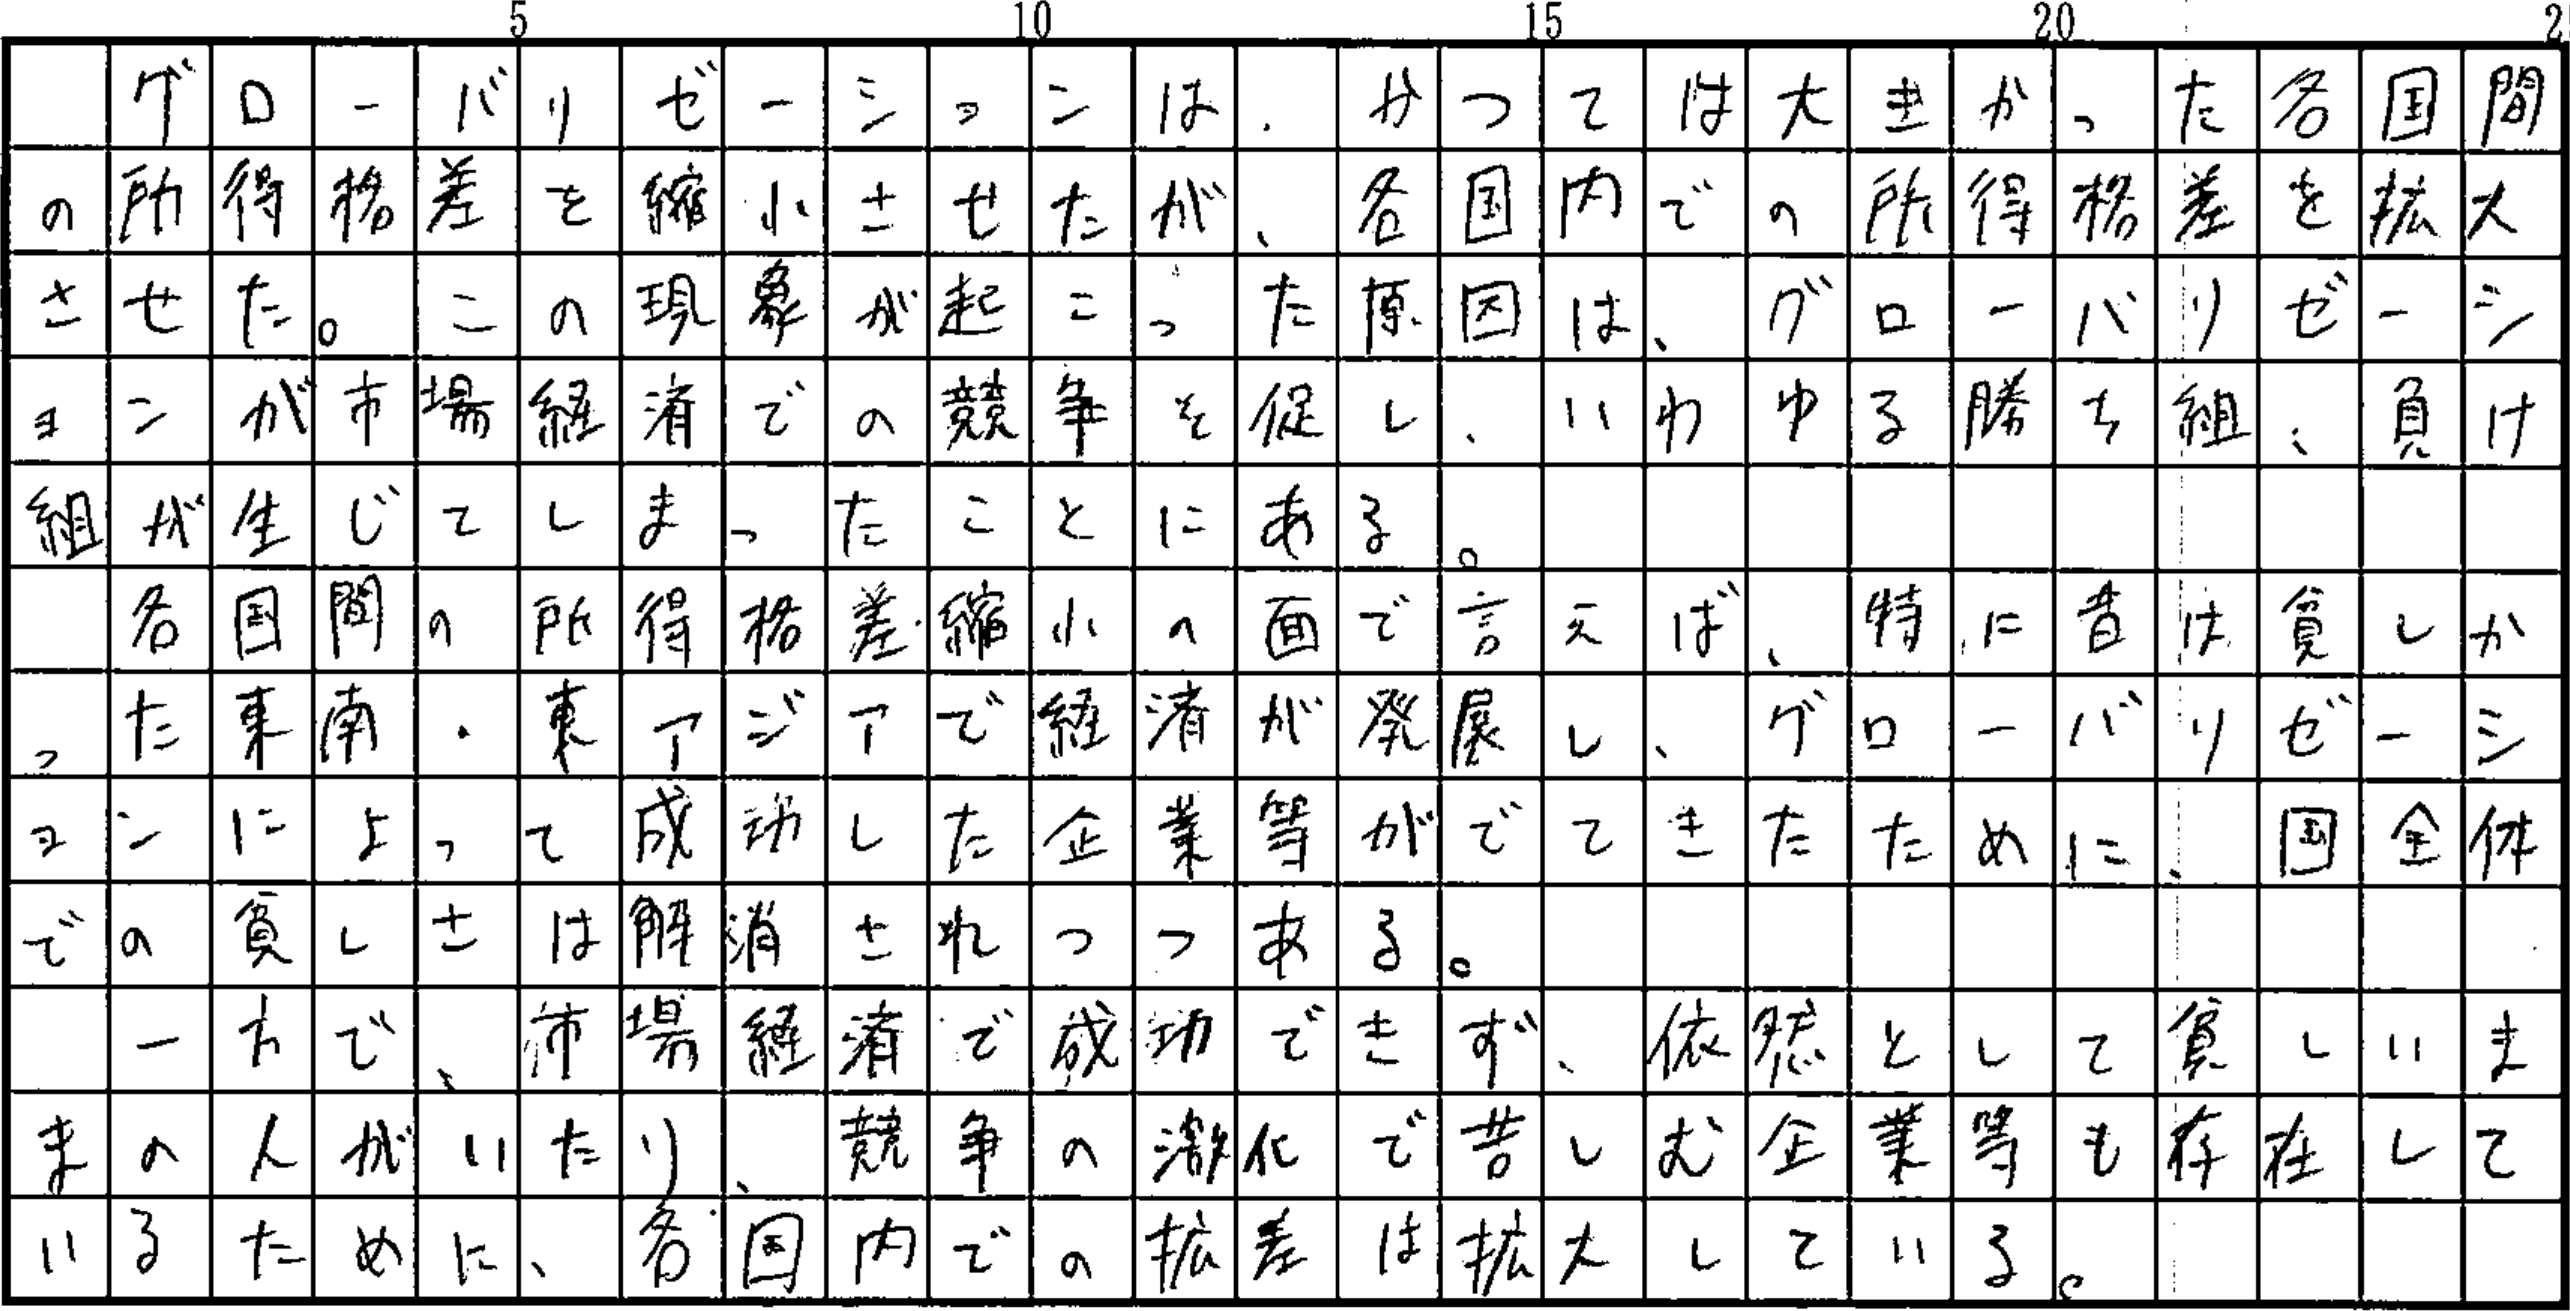　グローバリゼーションは、かつては大きかった各国間の所得格差を縮小させたが、各国内での所得格差を拡大させた。この現象が起こった原因は、グローバリゼーションが市場経済での競争を促し、いわゆる勝ち組、負け組が生じてしまったことにある。
　各国間の所得格差縮小の面で言えば、特に昔は貧しかった東南・東アジアで経済が発展し、グローバリゼーションによって成功した企業等がでてきたために、国全体での貧しさは解消されつつある。
　一方で、市場経済で成功できず、依然として貧しいままの人がいたり、競争の激化で苦しむ企業等も存在しているために、各国内での拡差は拡大している。
